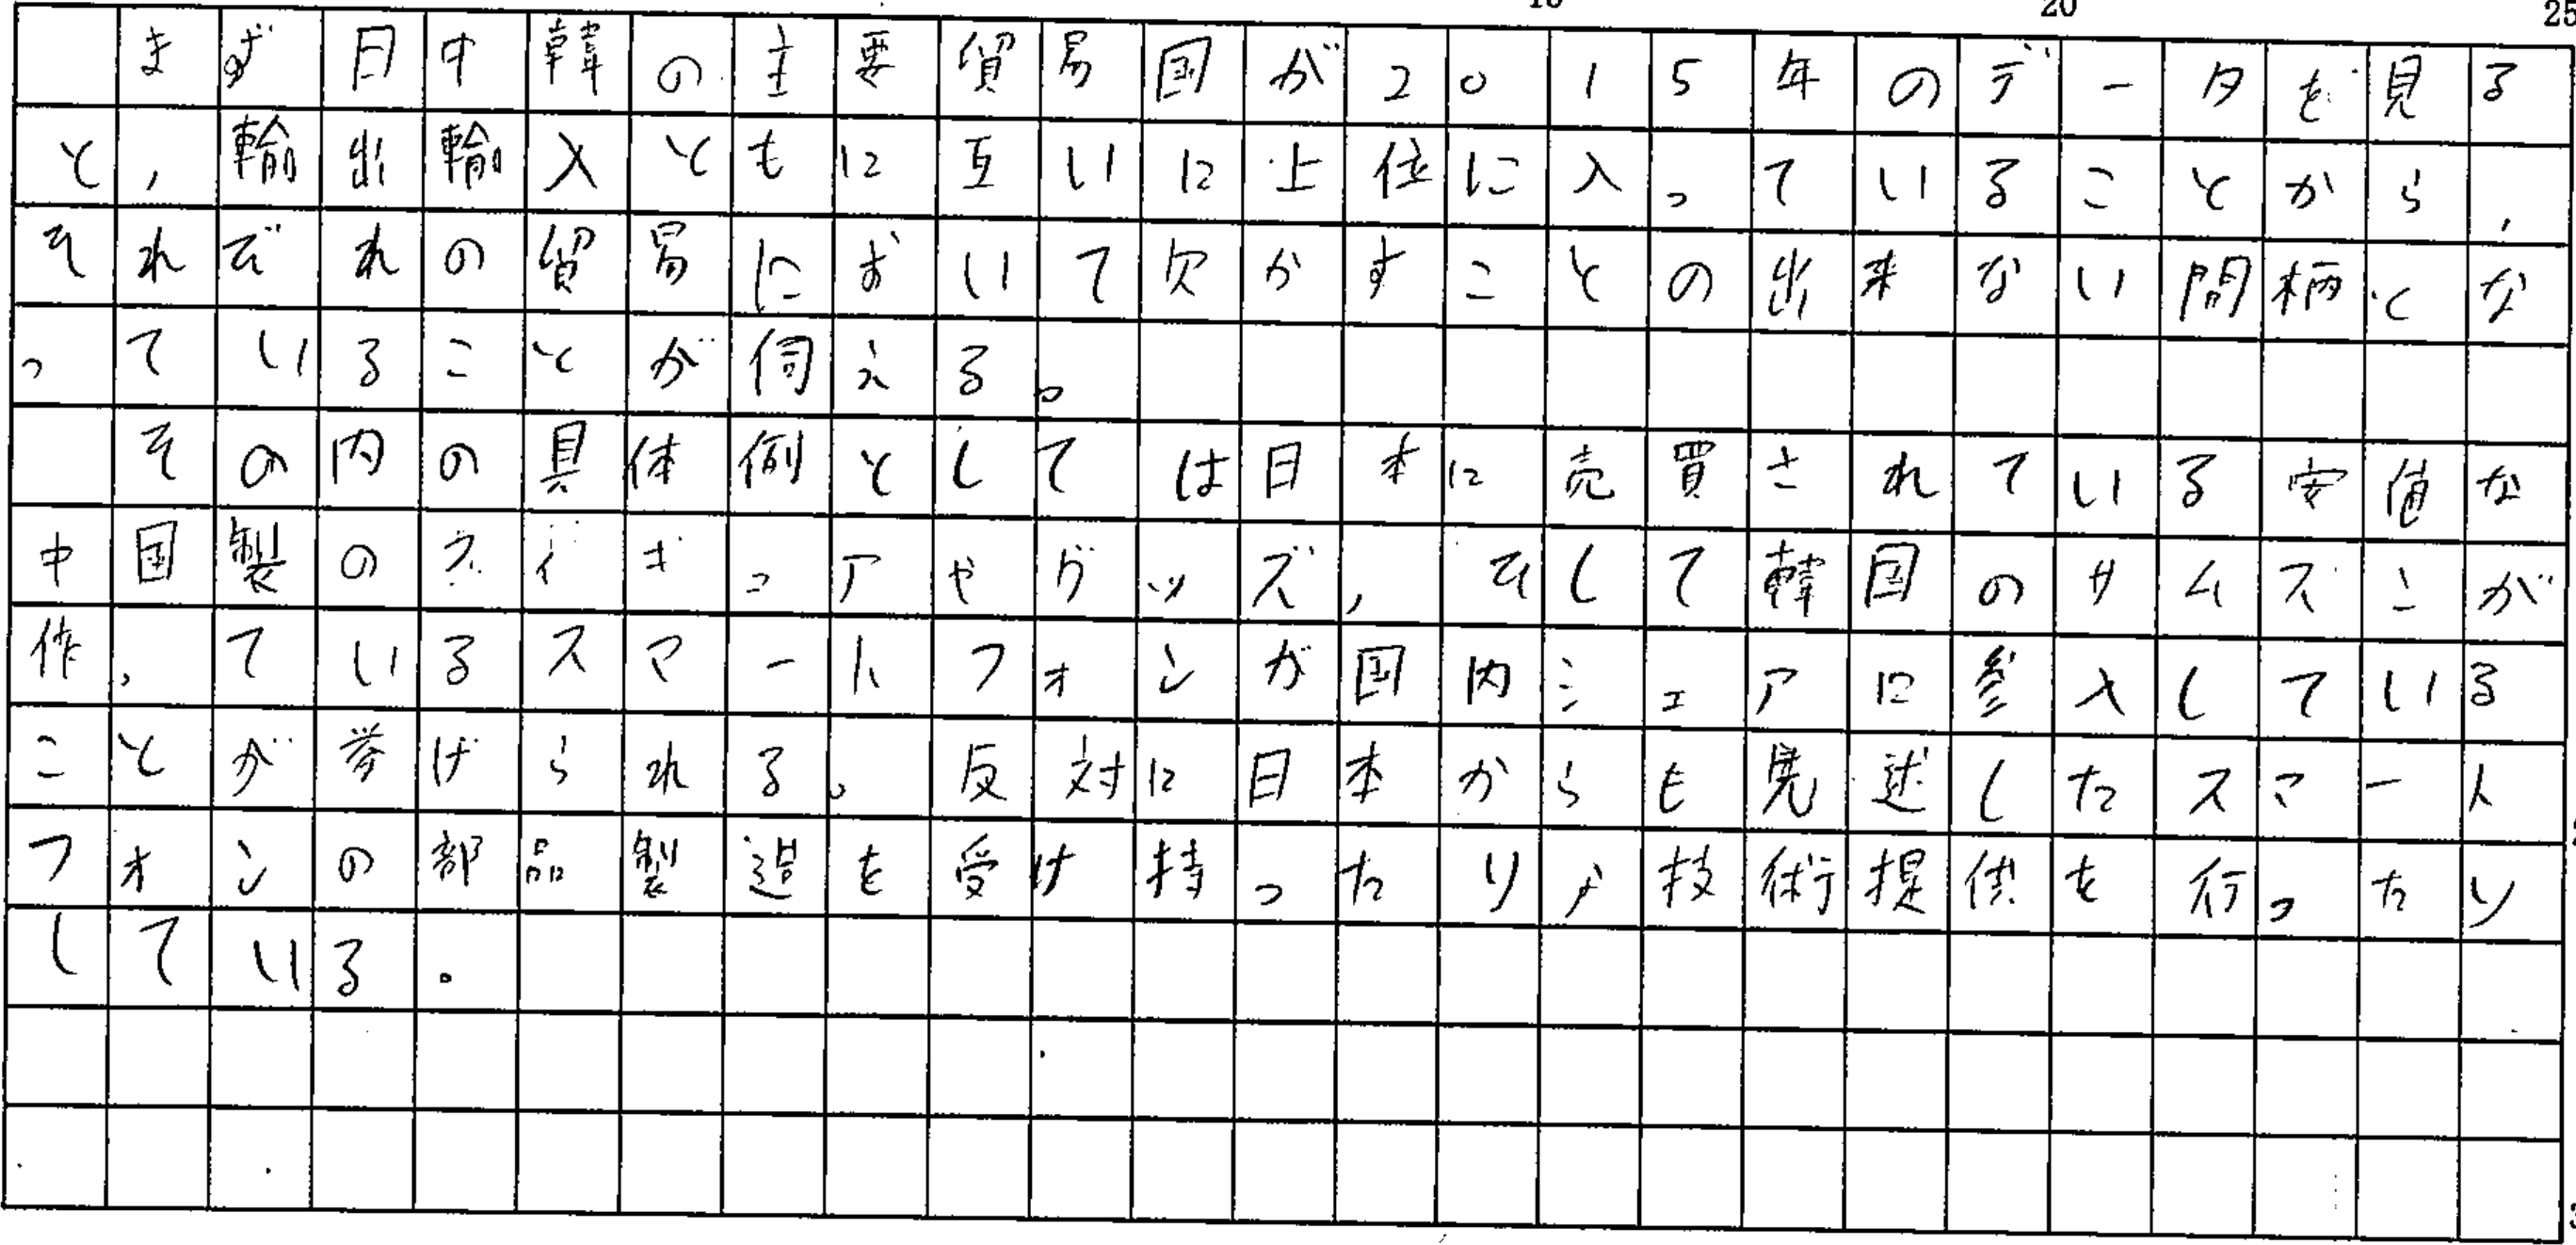　まず日中韓の主要貿易国が２０１５年のデータを見ると，輸出輸入ともに互いに上位に入っていることから，それぞれの貿易において欠かすことの出来ない間柄となっていることが伺える。
　その内の具体例としては日本に売買されている安値な中国製のフィギュアやグッズ，そして韓国のサムスンが作っているスマートフォンが国内シェアに参入していることが挙げられる。反対に日本からも先述したスマートフォンの部品製造を受け持ったり，技術提供を行ったりしている。
